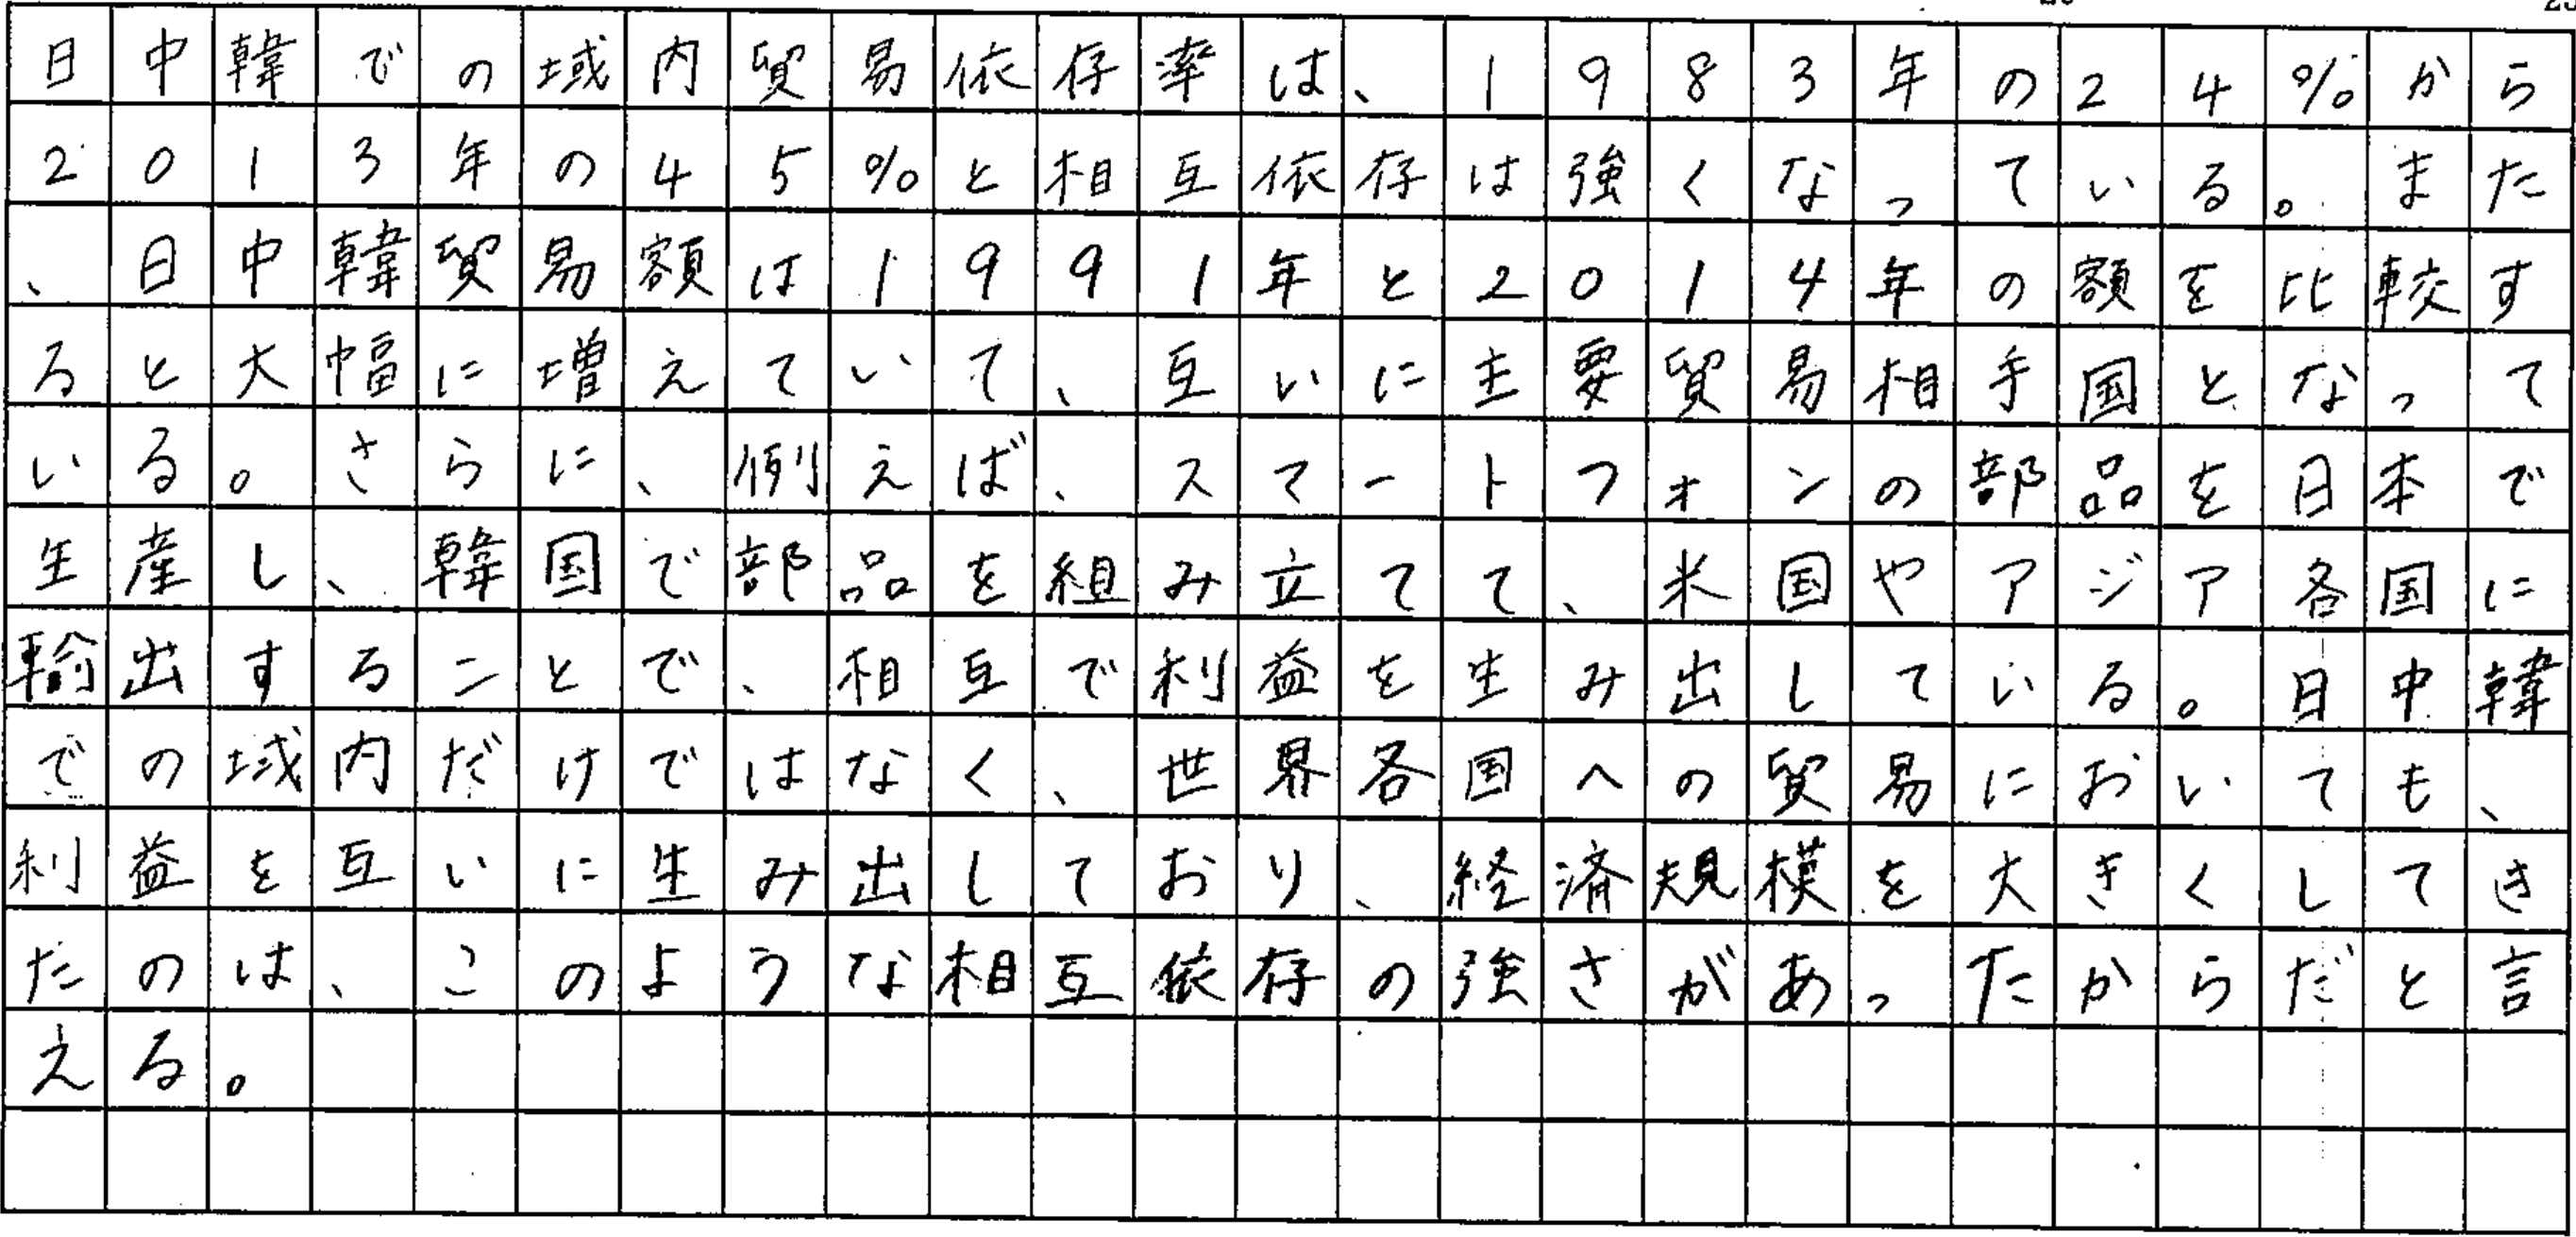日中韓での域内貿易依存率は、１９８３年の２４％から２０１３年の４５％と相互依存は強くなっている。また、日中韓貿易額は１９９１年と２０１４年の額を比較すると大幅に増えていて、互いに主要貿易相手国となっている。さらに、例えば、スマートフォンの部品を日本で生産し、韓国で部品を組み立てて、米国やアジア各国に輸出することで、相互で利易を生み出している。日中韓での域内だけではなく、世界各国への貿易においても、利益を互いに生み出しており、経済規模を大きくしてきたのは、このような相互依存の強さがあったからだと言える。
